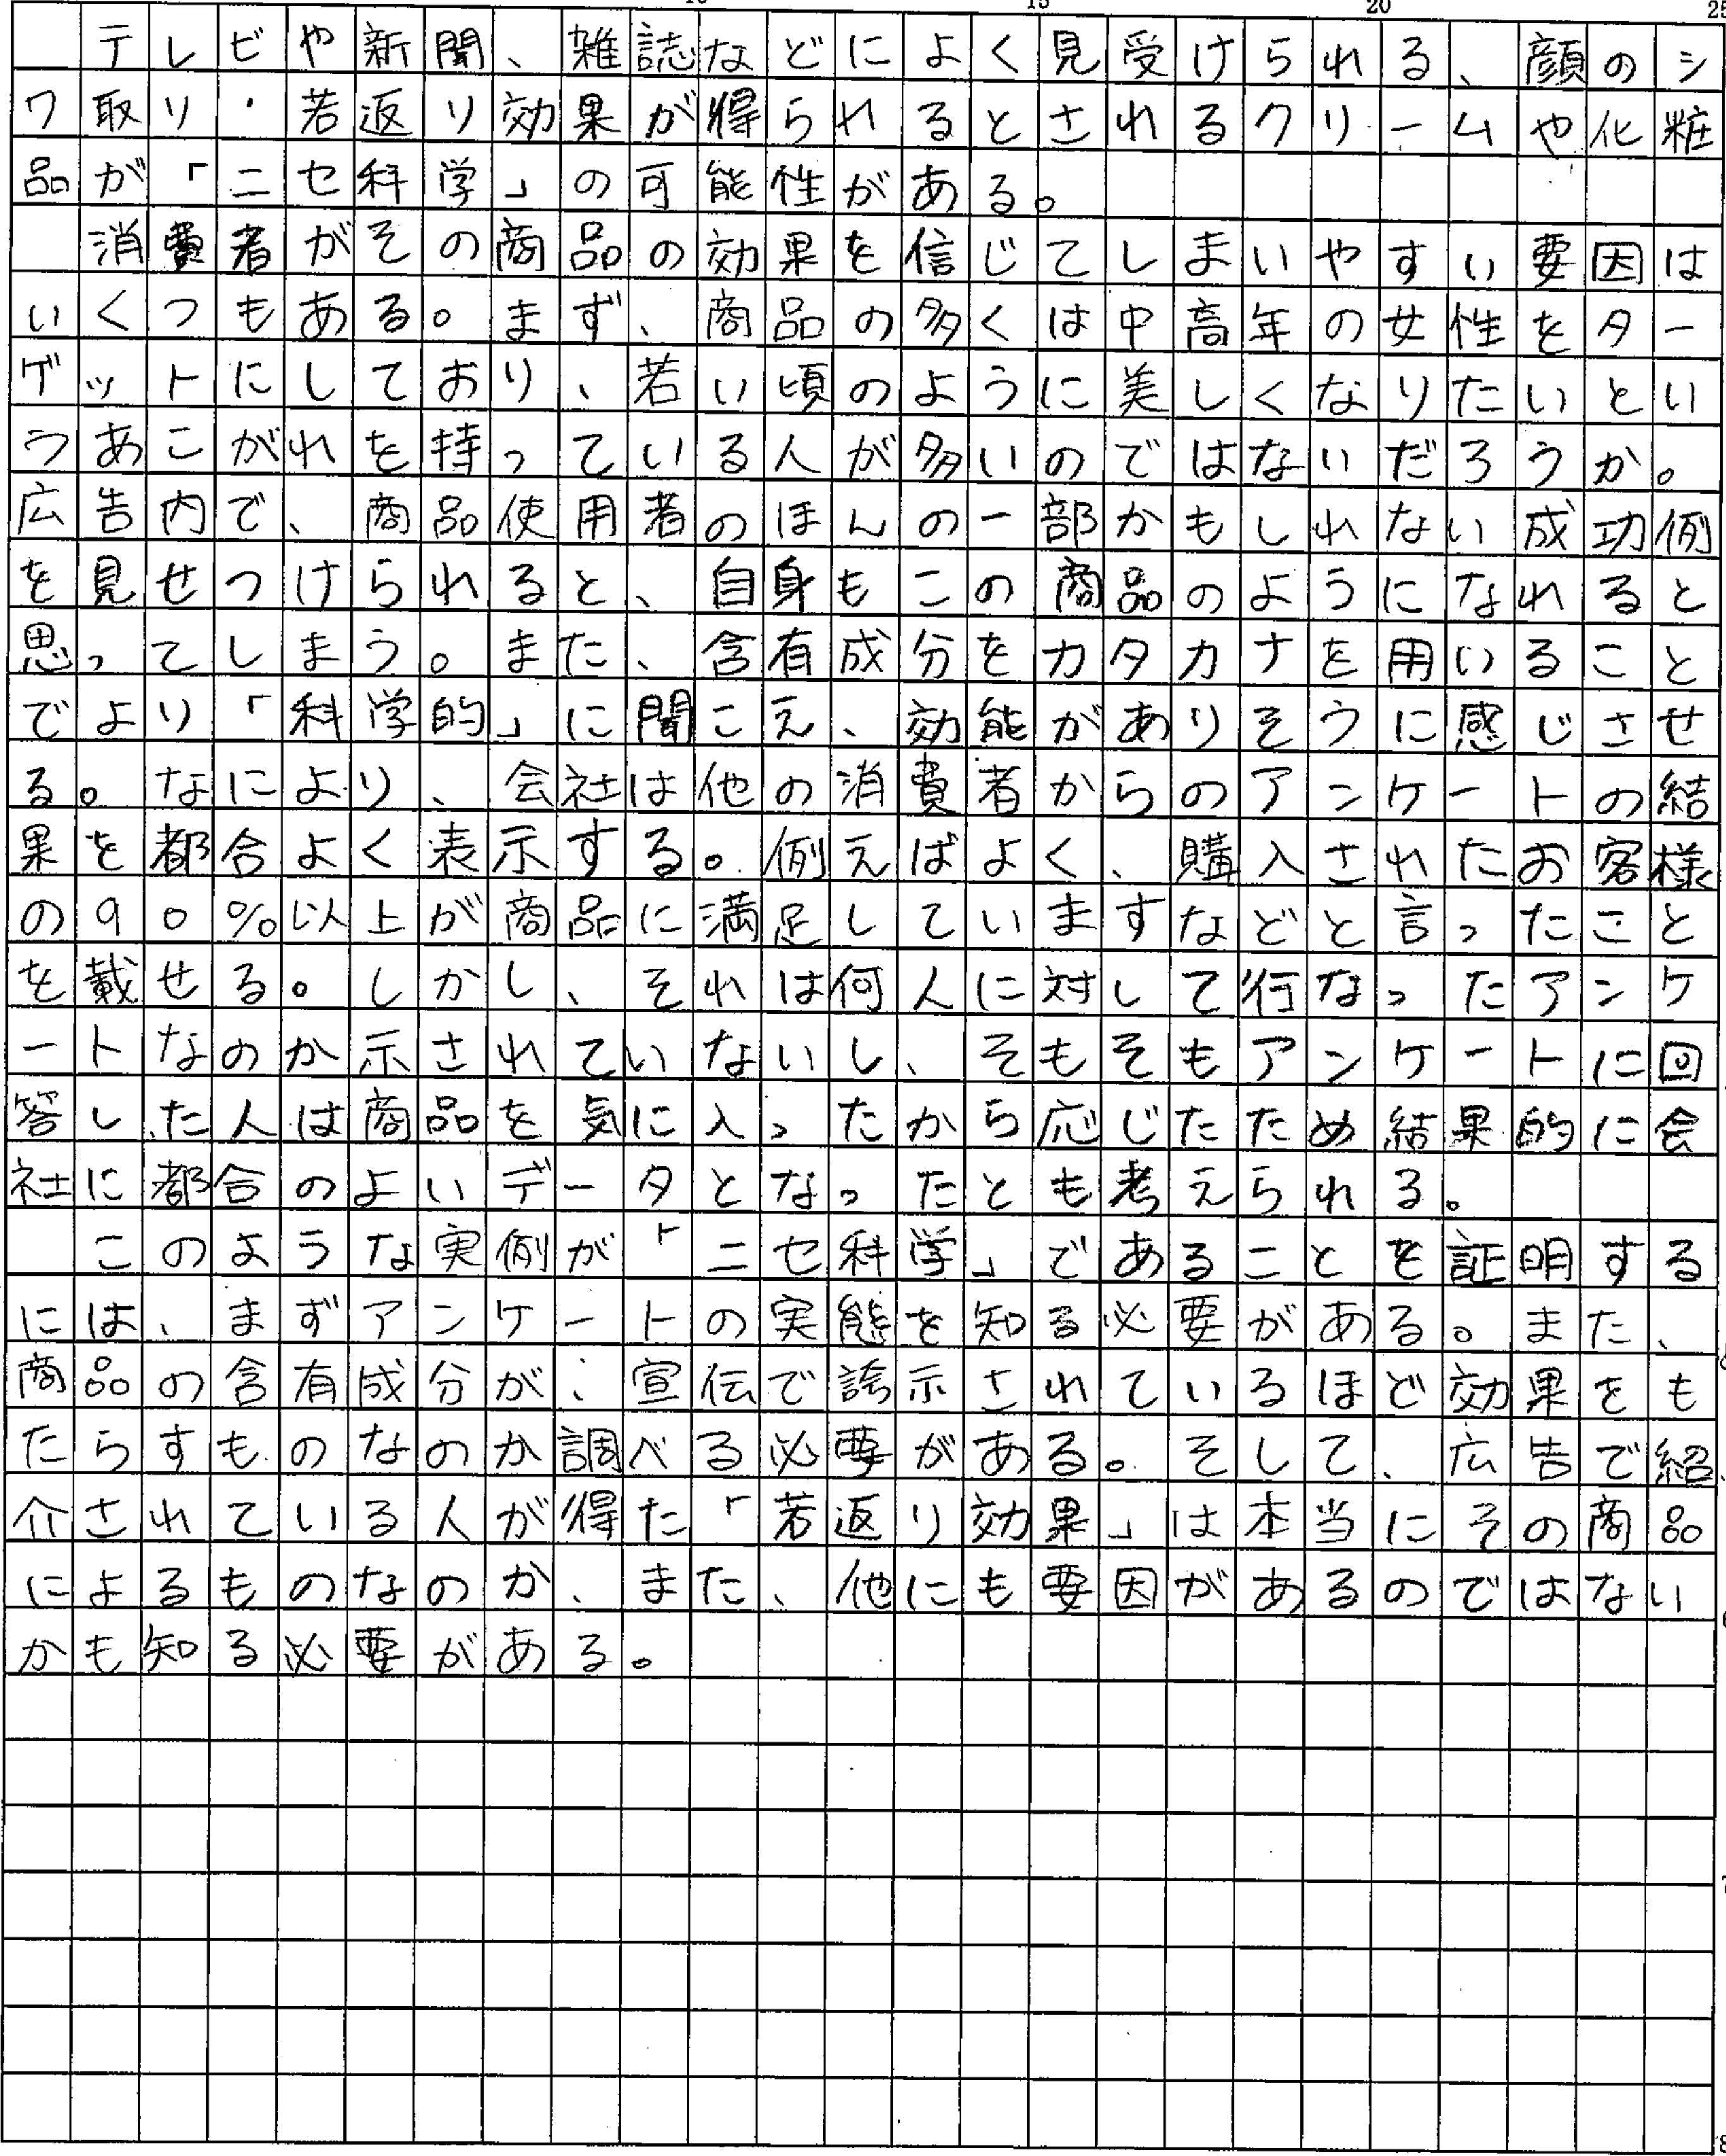　テレビや新聞、雑誌などによく見受けられる、顔のシワ取り・若返り効果が得られるとされるクリームや化粧品が「ニセ科学」の可能性がある。
　消費者がその商品の効果を信じてしまいやすい要因はいくつもある。まず、商品の多くは中高年の女性をターゲットにしており、若い頃のように美しくなりたいというあこがれを持っている人が多いのではないだろうか。広告内で、商品使用者のほんの一部かもしれない成功例を見せつけられると、自身もこの商品のようになれると思ってしまう。また、含有成分をカタカナを用いることでより「科学的」に聞こえ、効能がありそうに感じさせる。なにより、会社は他の消費者からのアンケートの結果を都合よく表示する。例えばよく、購入されたお客様の９０％以上が商品に満足していますなどと言ったことを載せる。しかし、それは何人に対して行なったアンケートなのか示されていないし、そもそもアンケートに回答した人は商品を気に入ったから応じたため結果的に会社に都合のよいデータとなったとも考えられる。
　このような実例が「ニセ科学」であることを証明するには、まずアンケートの実態を知る必要がある。また、商品の含有成分が、宣伝で誇示されているほど効果をもたらすものなのか調べる必要がある。そして、広告で紹介されている人が得た「若返り効果」は本当にその商品によるものなのか、また、他にも要因があるのではないかも知る必要がある。
